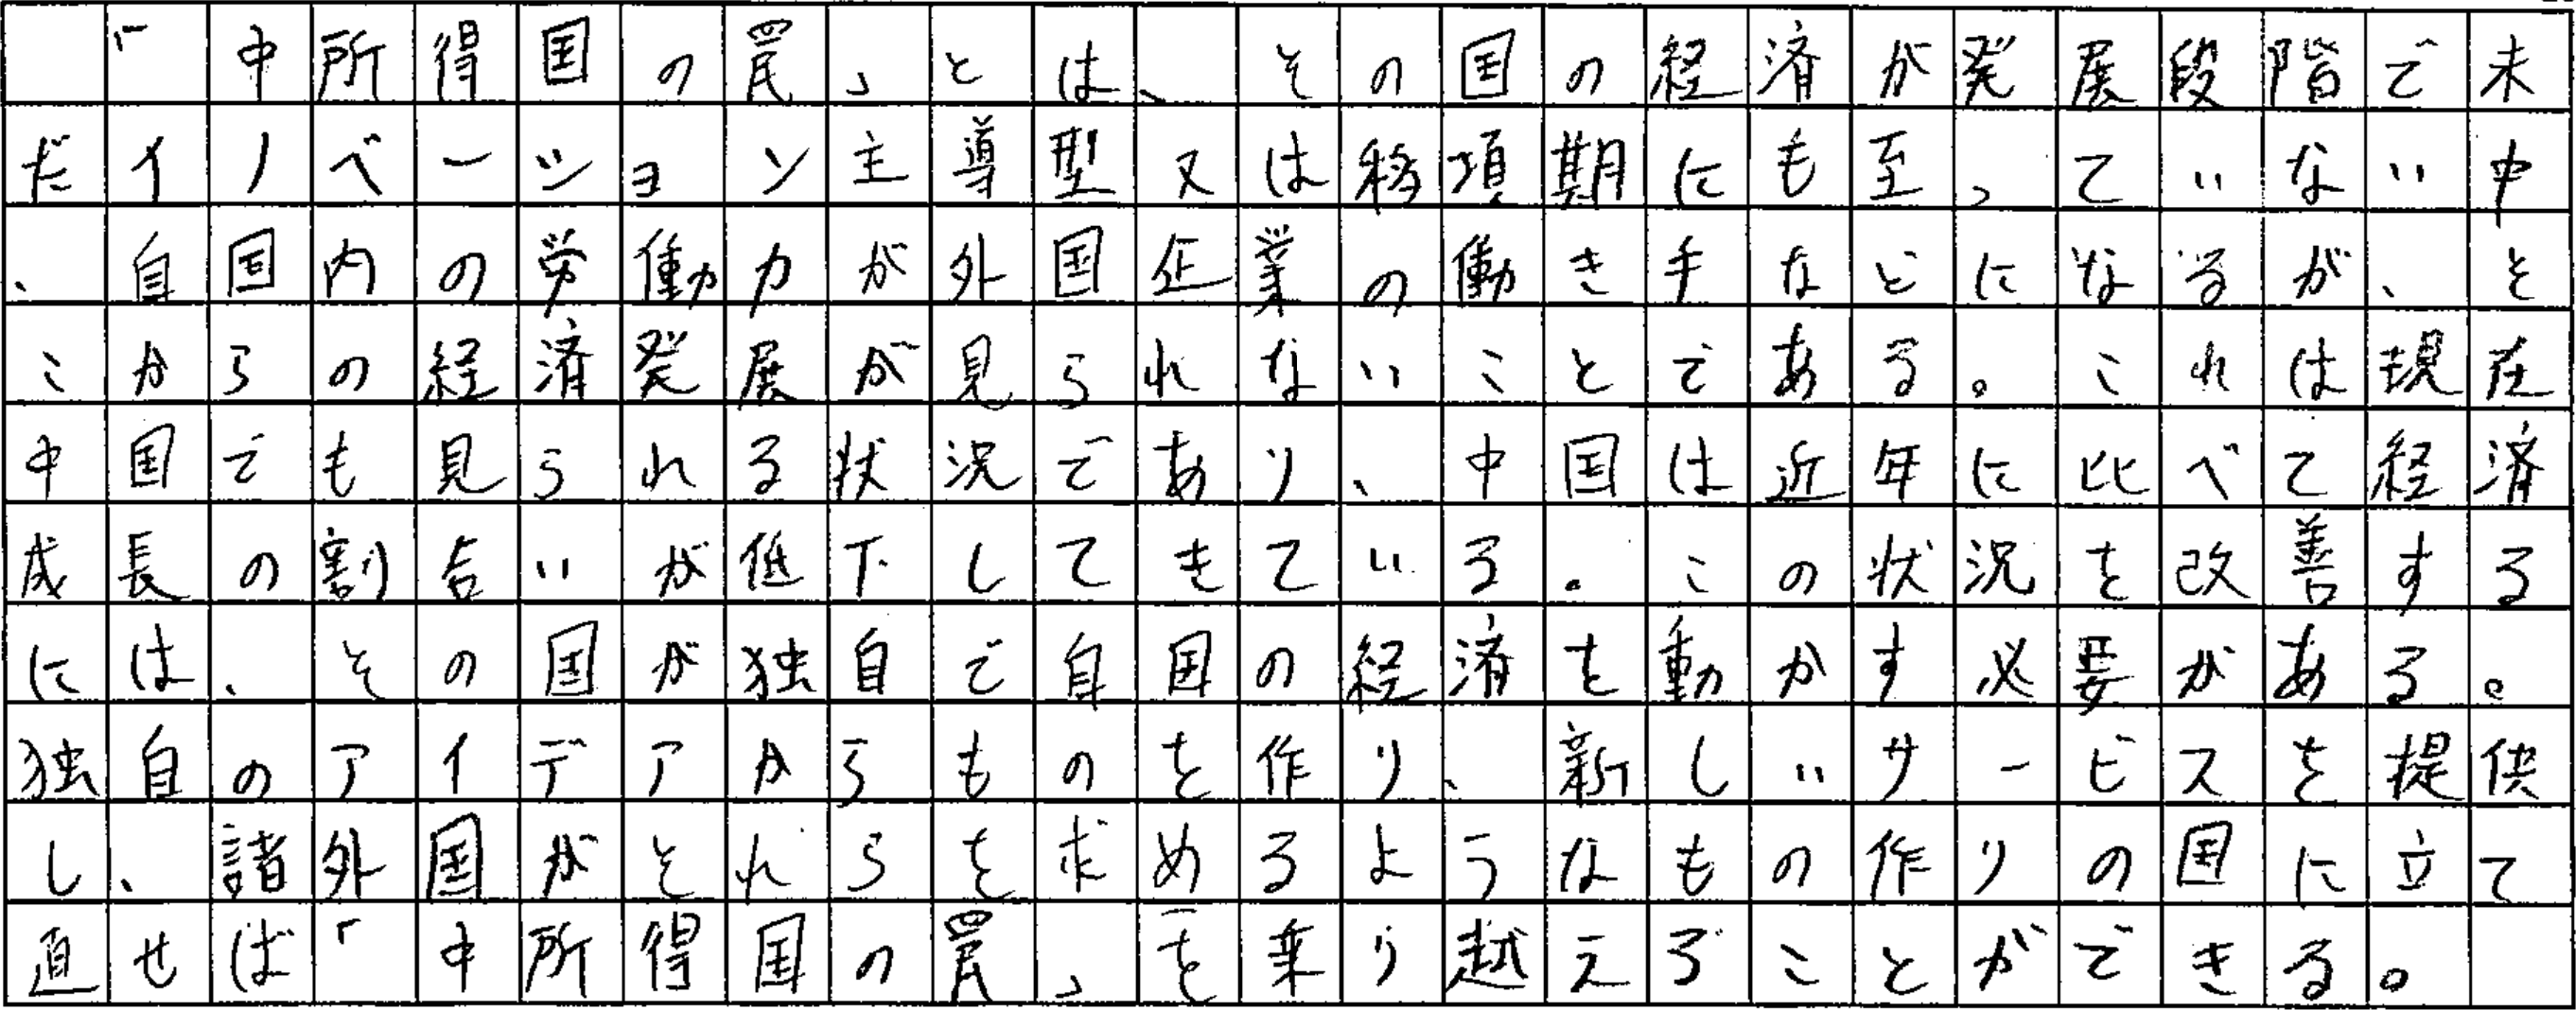　「中所得国の罠」とは、その国の経済が発展段階で未だイノベーション主導型又は移項期にも至っていない中、自国内の労働力が外国企業の働き手などになるが、そこからの経済発展が見られないことである。これは現在中国でも見られる状況であり、中国は近年に比べて経済成長の割合いが低下してきている。この状況を改善するには、その国が独自で自国の経済を動かす必要がある。独自のアイデアからものを作り、新しいサービスを提供し、諸外国がそれらを求めるようなもの作りの国に立て直せば「中所得国の罠」を乗り越えることができる。
